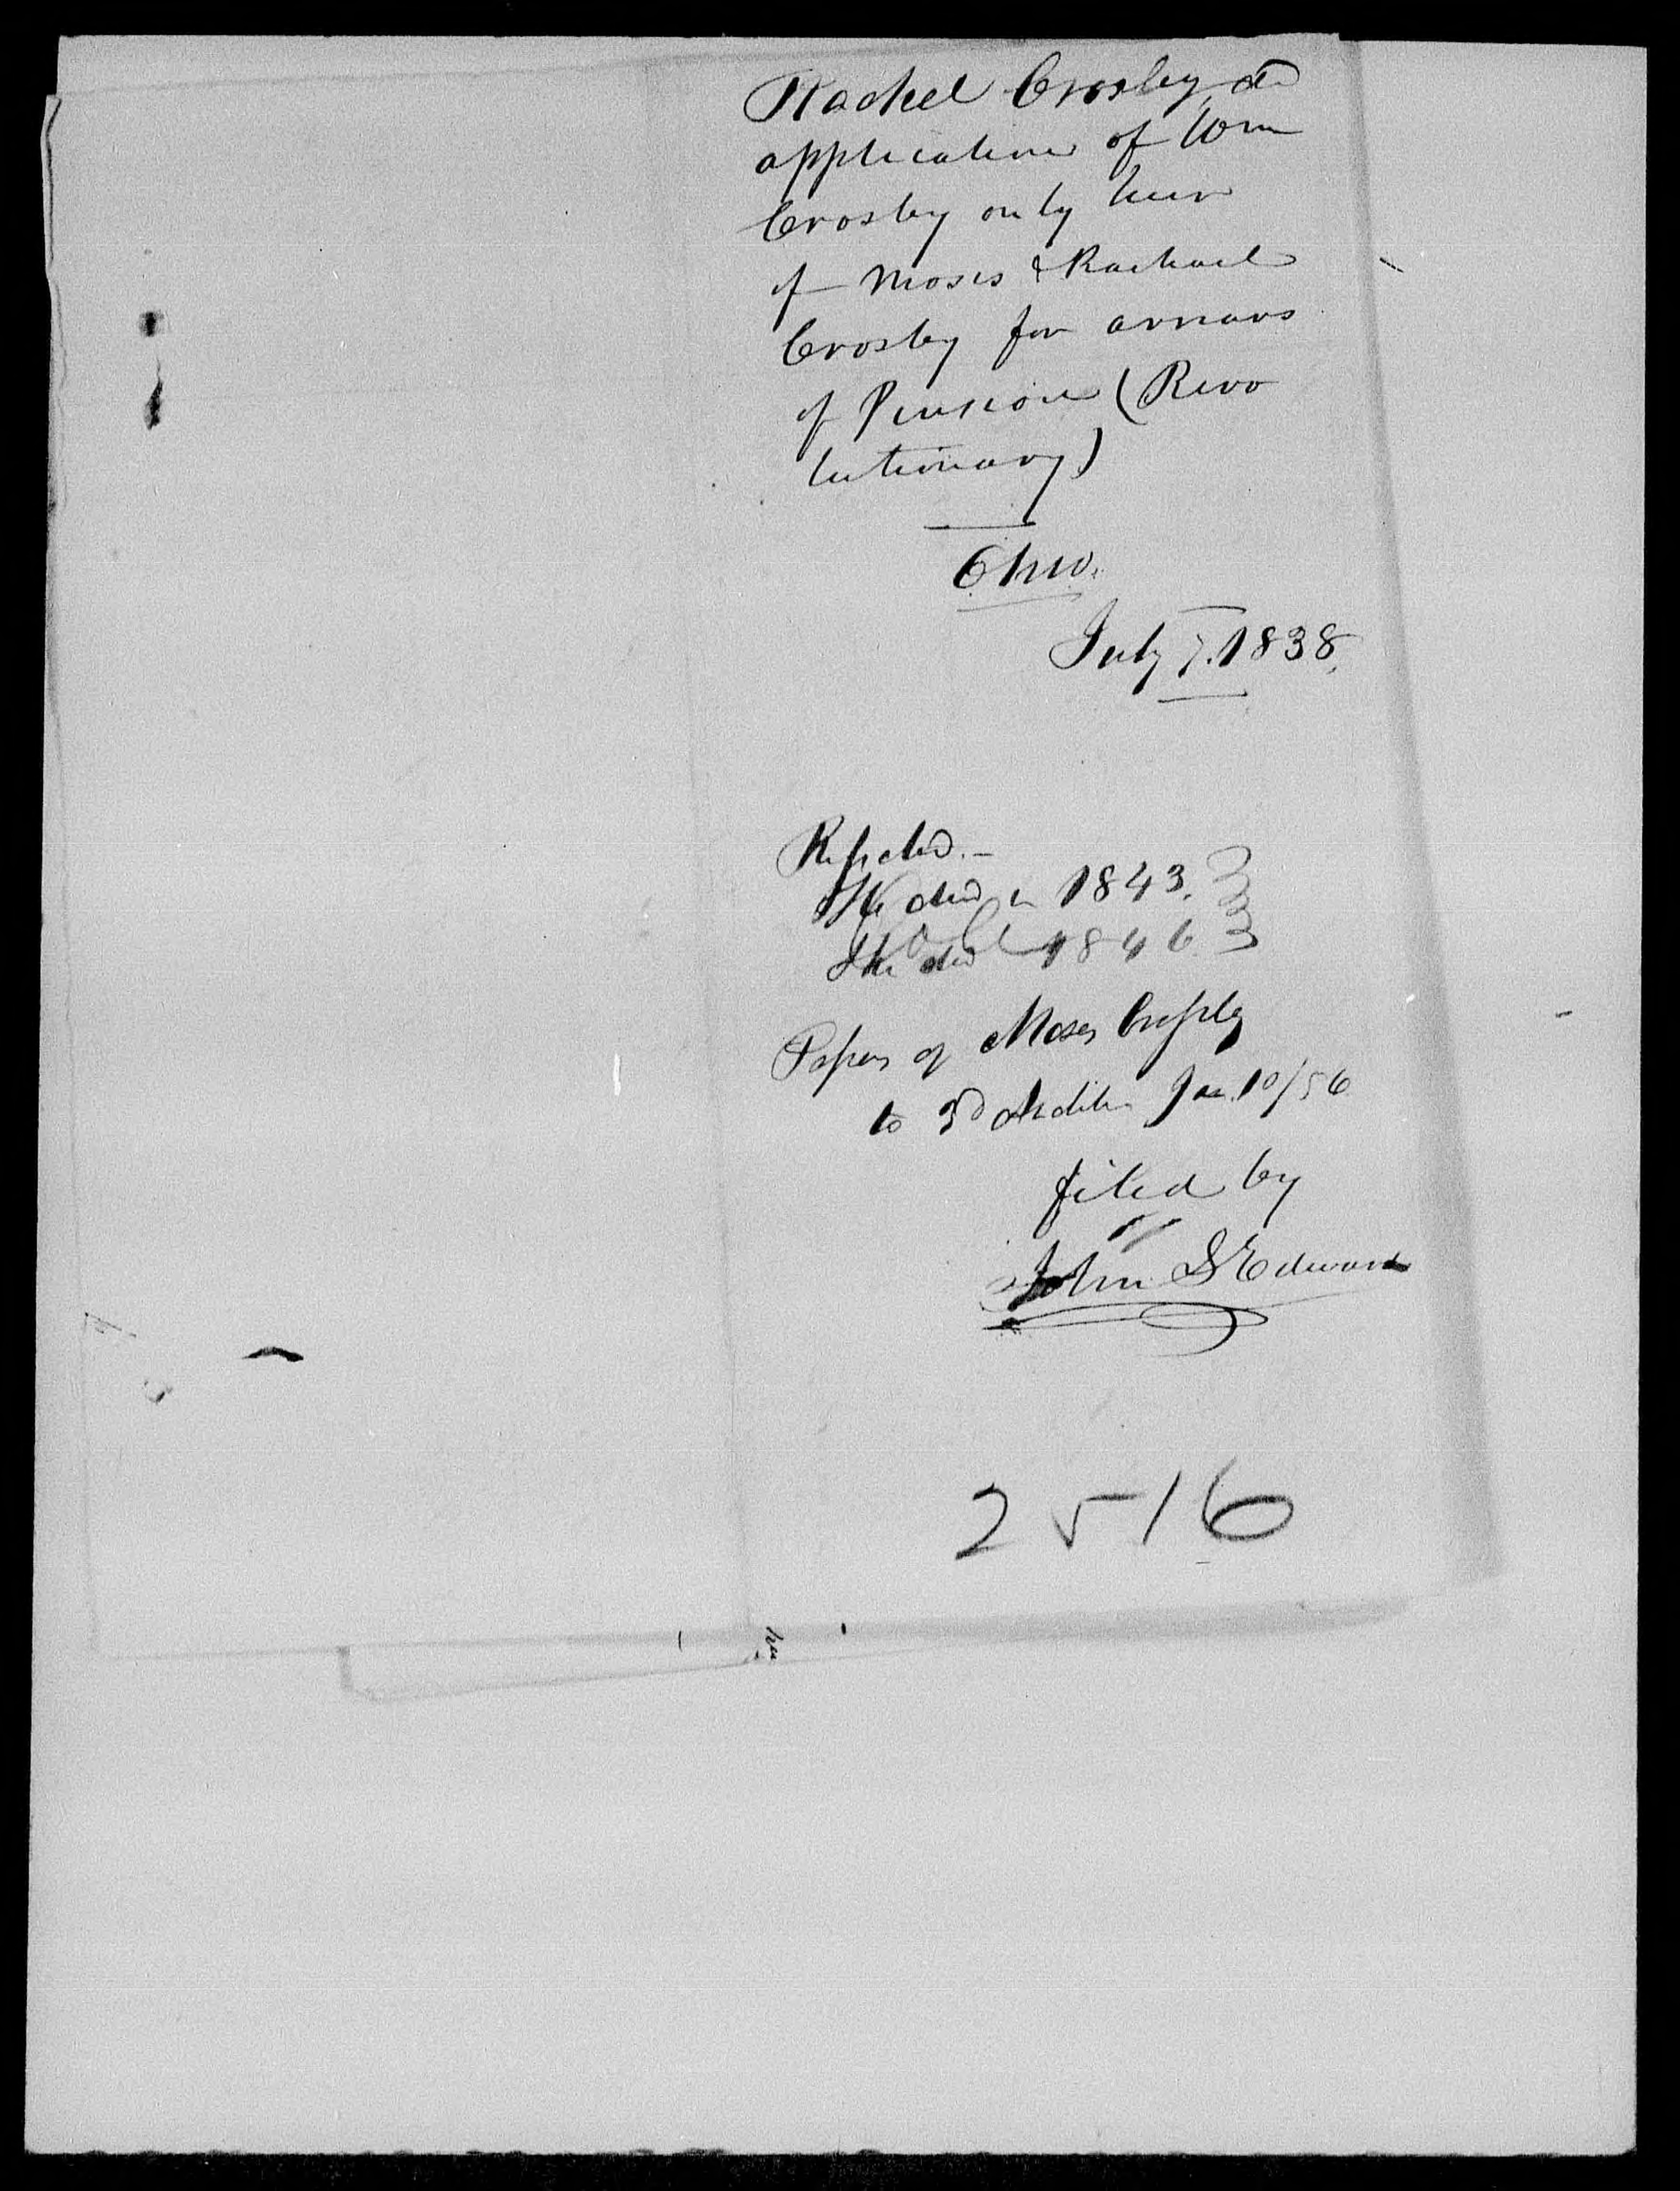Rachel Crosley, did
application of Wm
Crosley only (illegilbe)
of Wm & Rachael
her
of Moses & Rachael
Crosley for arrears
of Pension (Revolutionary)
-
Ohio
July 7. 1838.

Rejected
He died in . Aug 1843.
She died in 1846.
Cole
Papers of Moses Crosley
to (illegible)  Adie Jan 10/56
filed by
John S Edwards

2516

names: Rachael Crosley, John L Edwards, Rachel Crosley, Moses, Moses Crossly, Wm Crosley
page: 28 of 37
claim: rejected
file: R. 2516, Moses Crosley, Md.